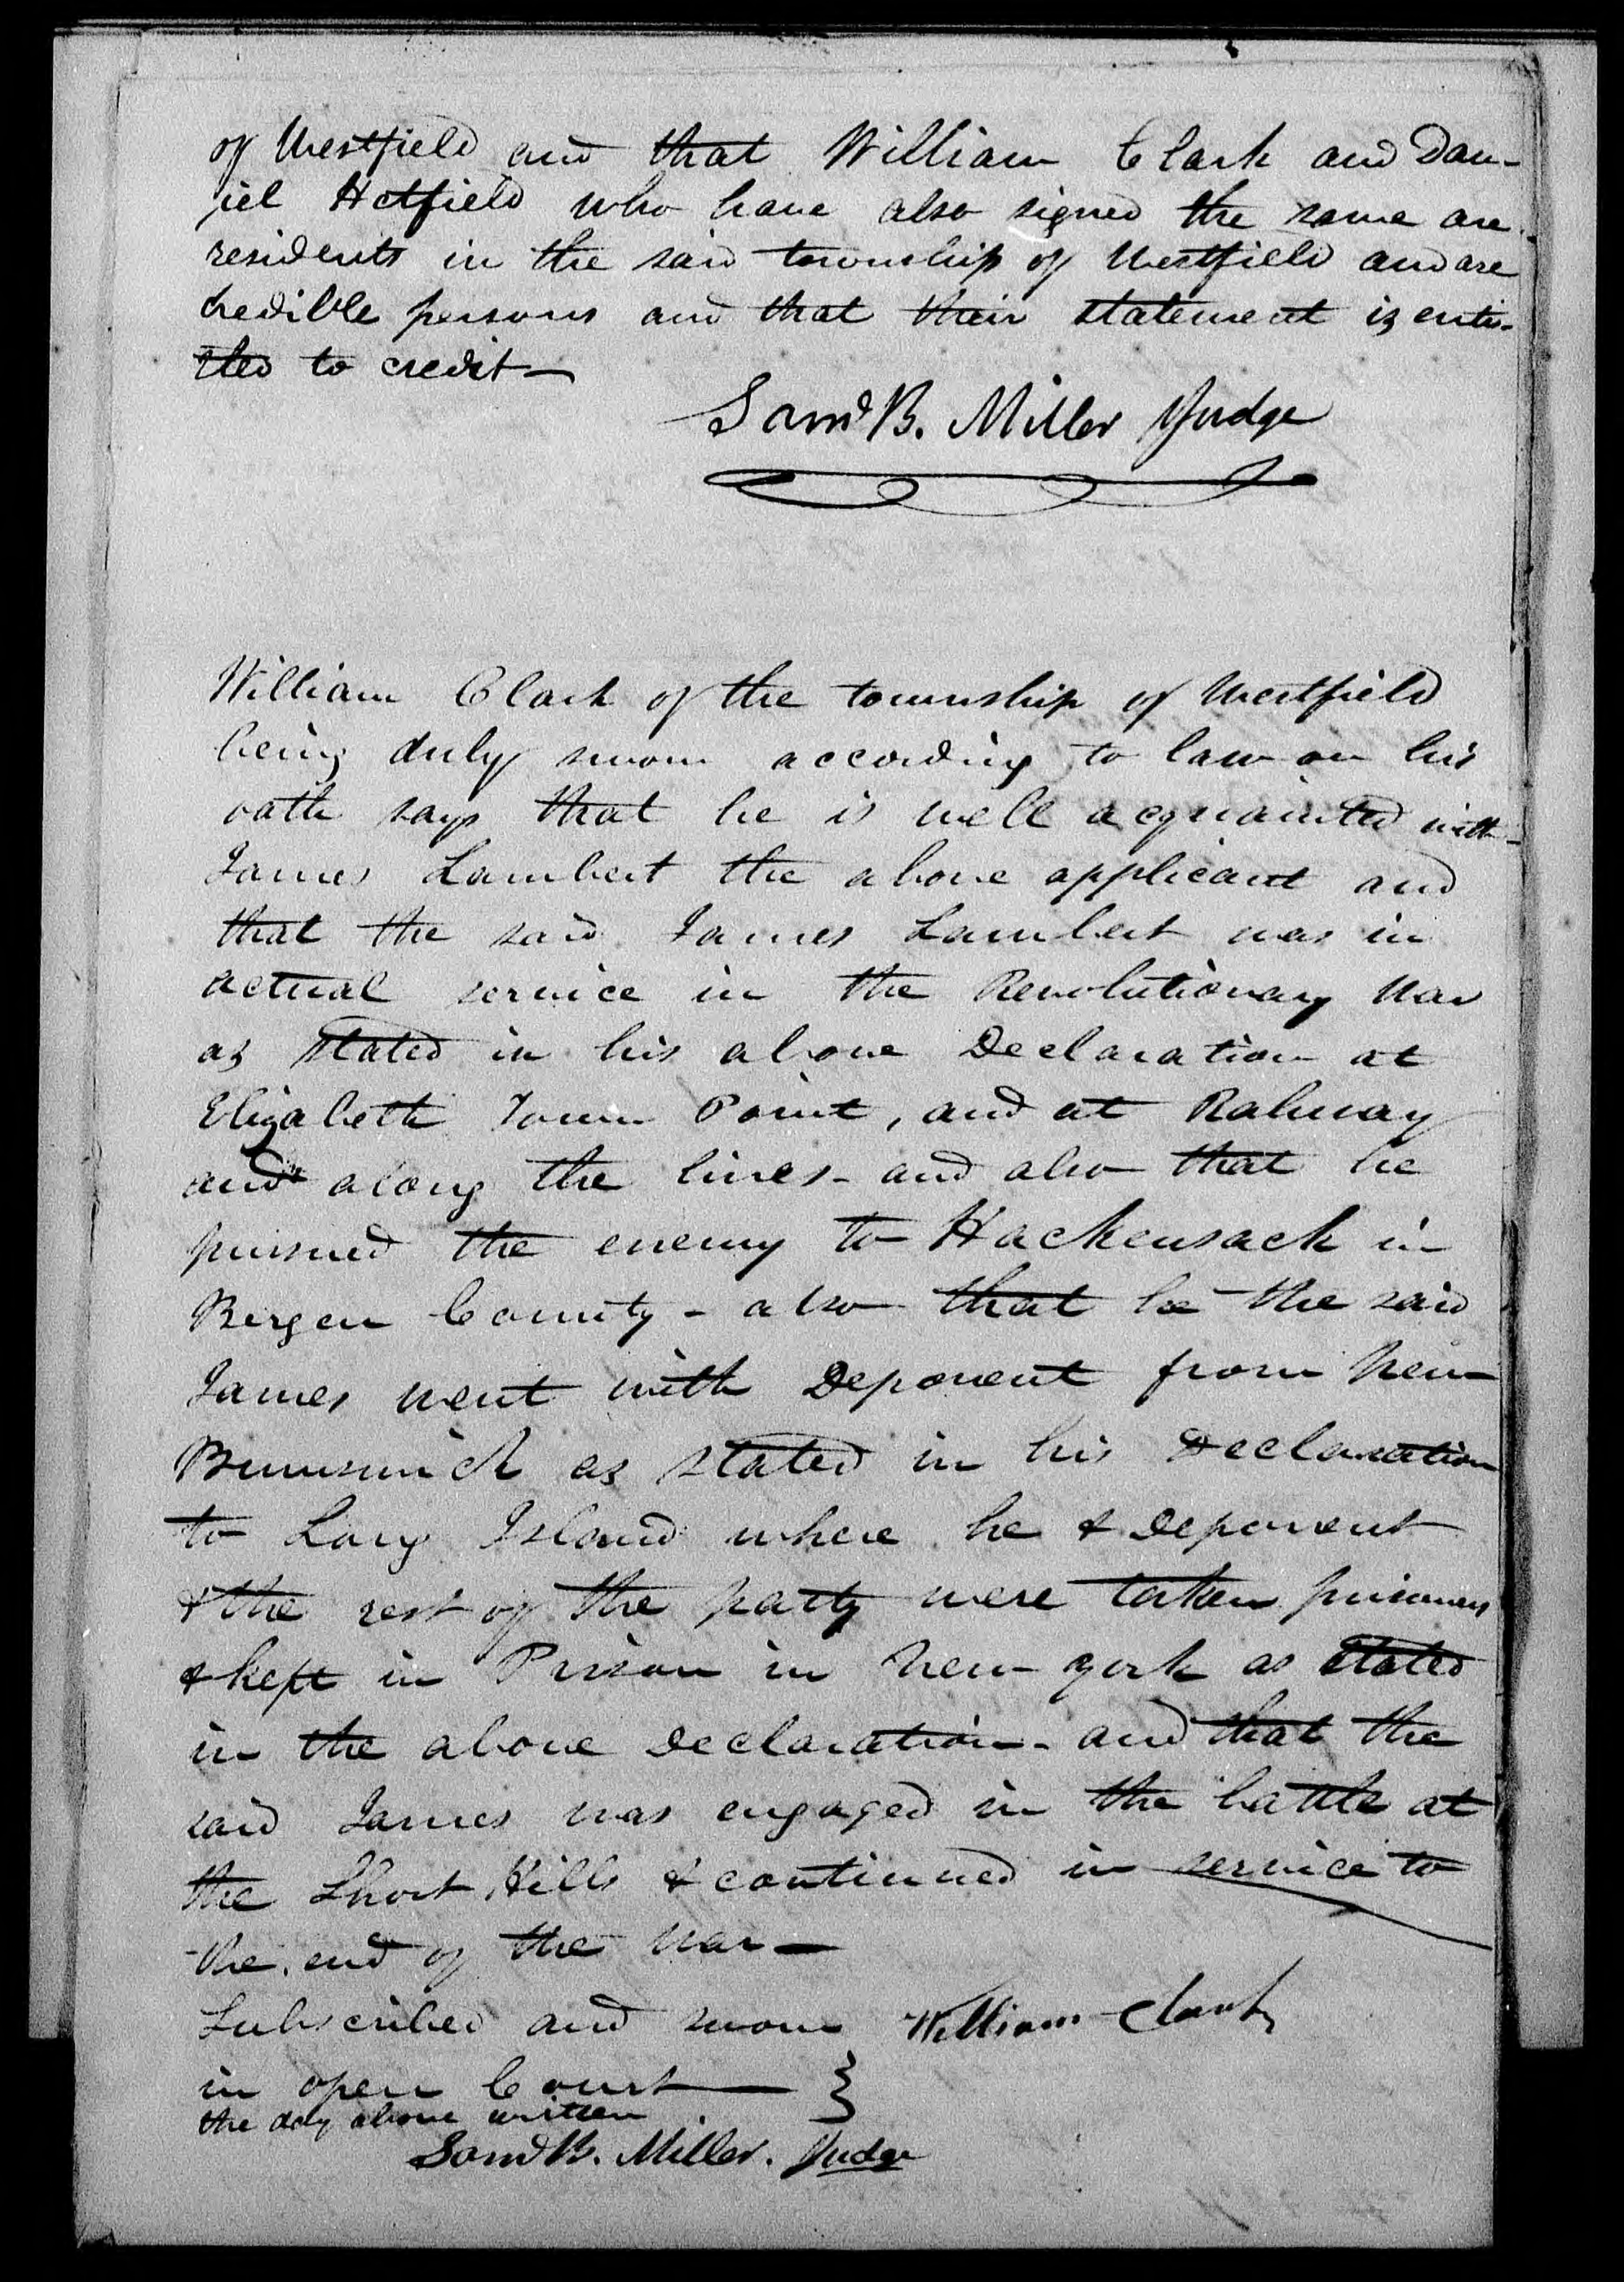of Westfield and that William Clark and Daniel Hetfield who have also signed the same are
residents in the said township of Westfield and are credible persons and that their statement is entitled to credit-
Saml B. Miller Judge
William Clark of the township of Westfield
being duly sworn according to law on his
oath says that he is well acquainted with
James Lambert the above applicant and
that the said James Lambert was in actual service in the Revolutionary War as stated in his above declaration at Elizabeth Town Point, and at Rahway and along the lines, and also that he pursued the enemy to Hackensack in
Bergen County - also that he the said
James went with deponent from New Brunswick as stated in his declaration to Long Island where he & deponent & the rest of the party were taken prisoner & kept in Prison in New York as stated in the above declaration
and that the said James was engaged in
the battle at the Short Hills & continued in service to the end of the war
William Clark
Subscribed and sworn in open Court
the day above written
Sam B. Miller, Judge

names: Daniel Hetfield; Saml B Miller; James Lambert; William Clark; James Went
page: 11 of 49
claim: widow's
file: W. 859, for James Lambert, New Jersey